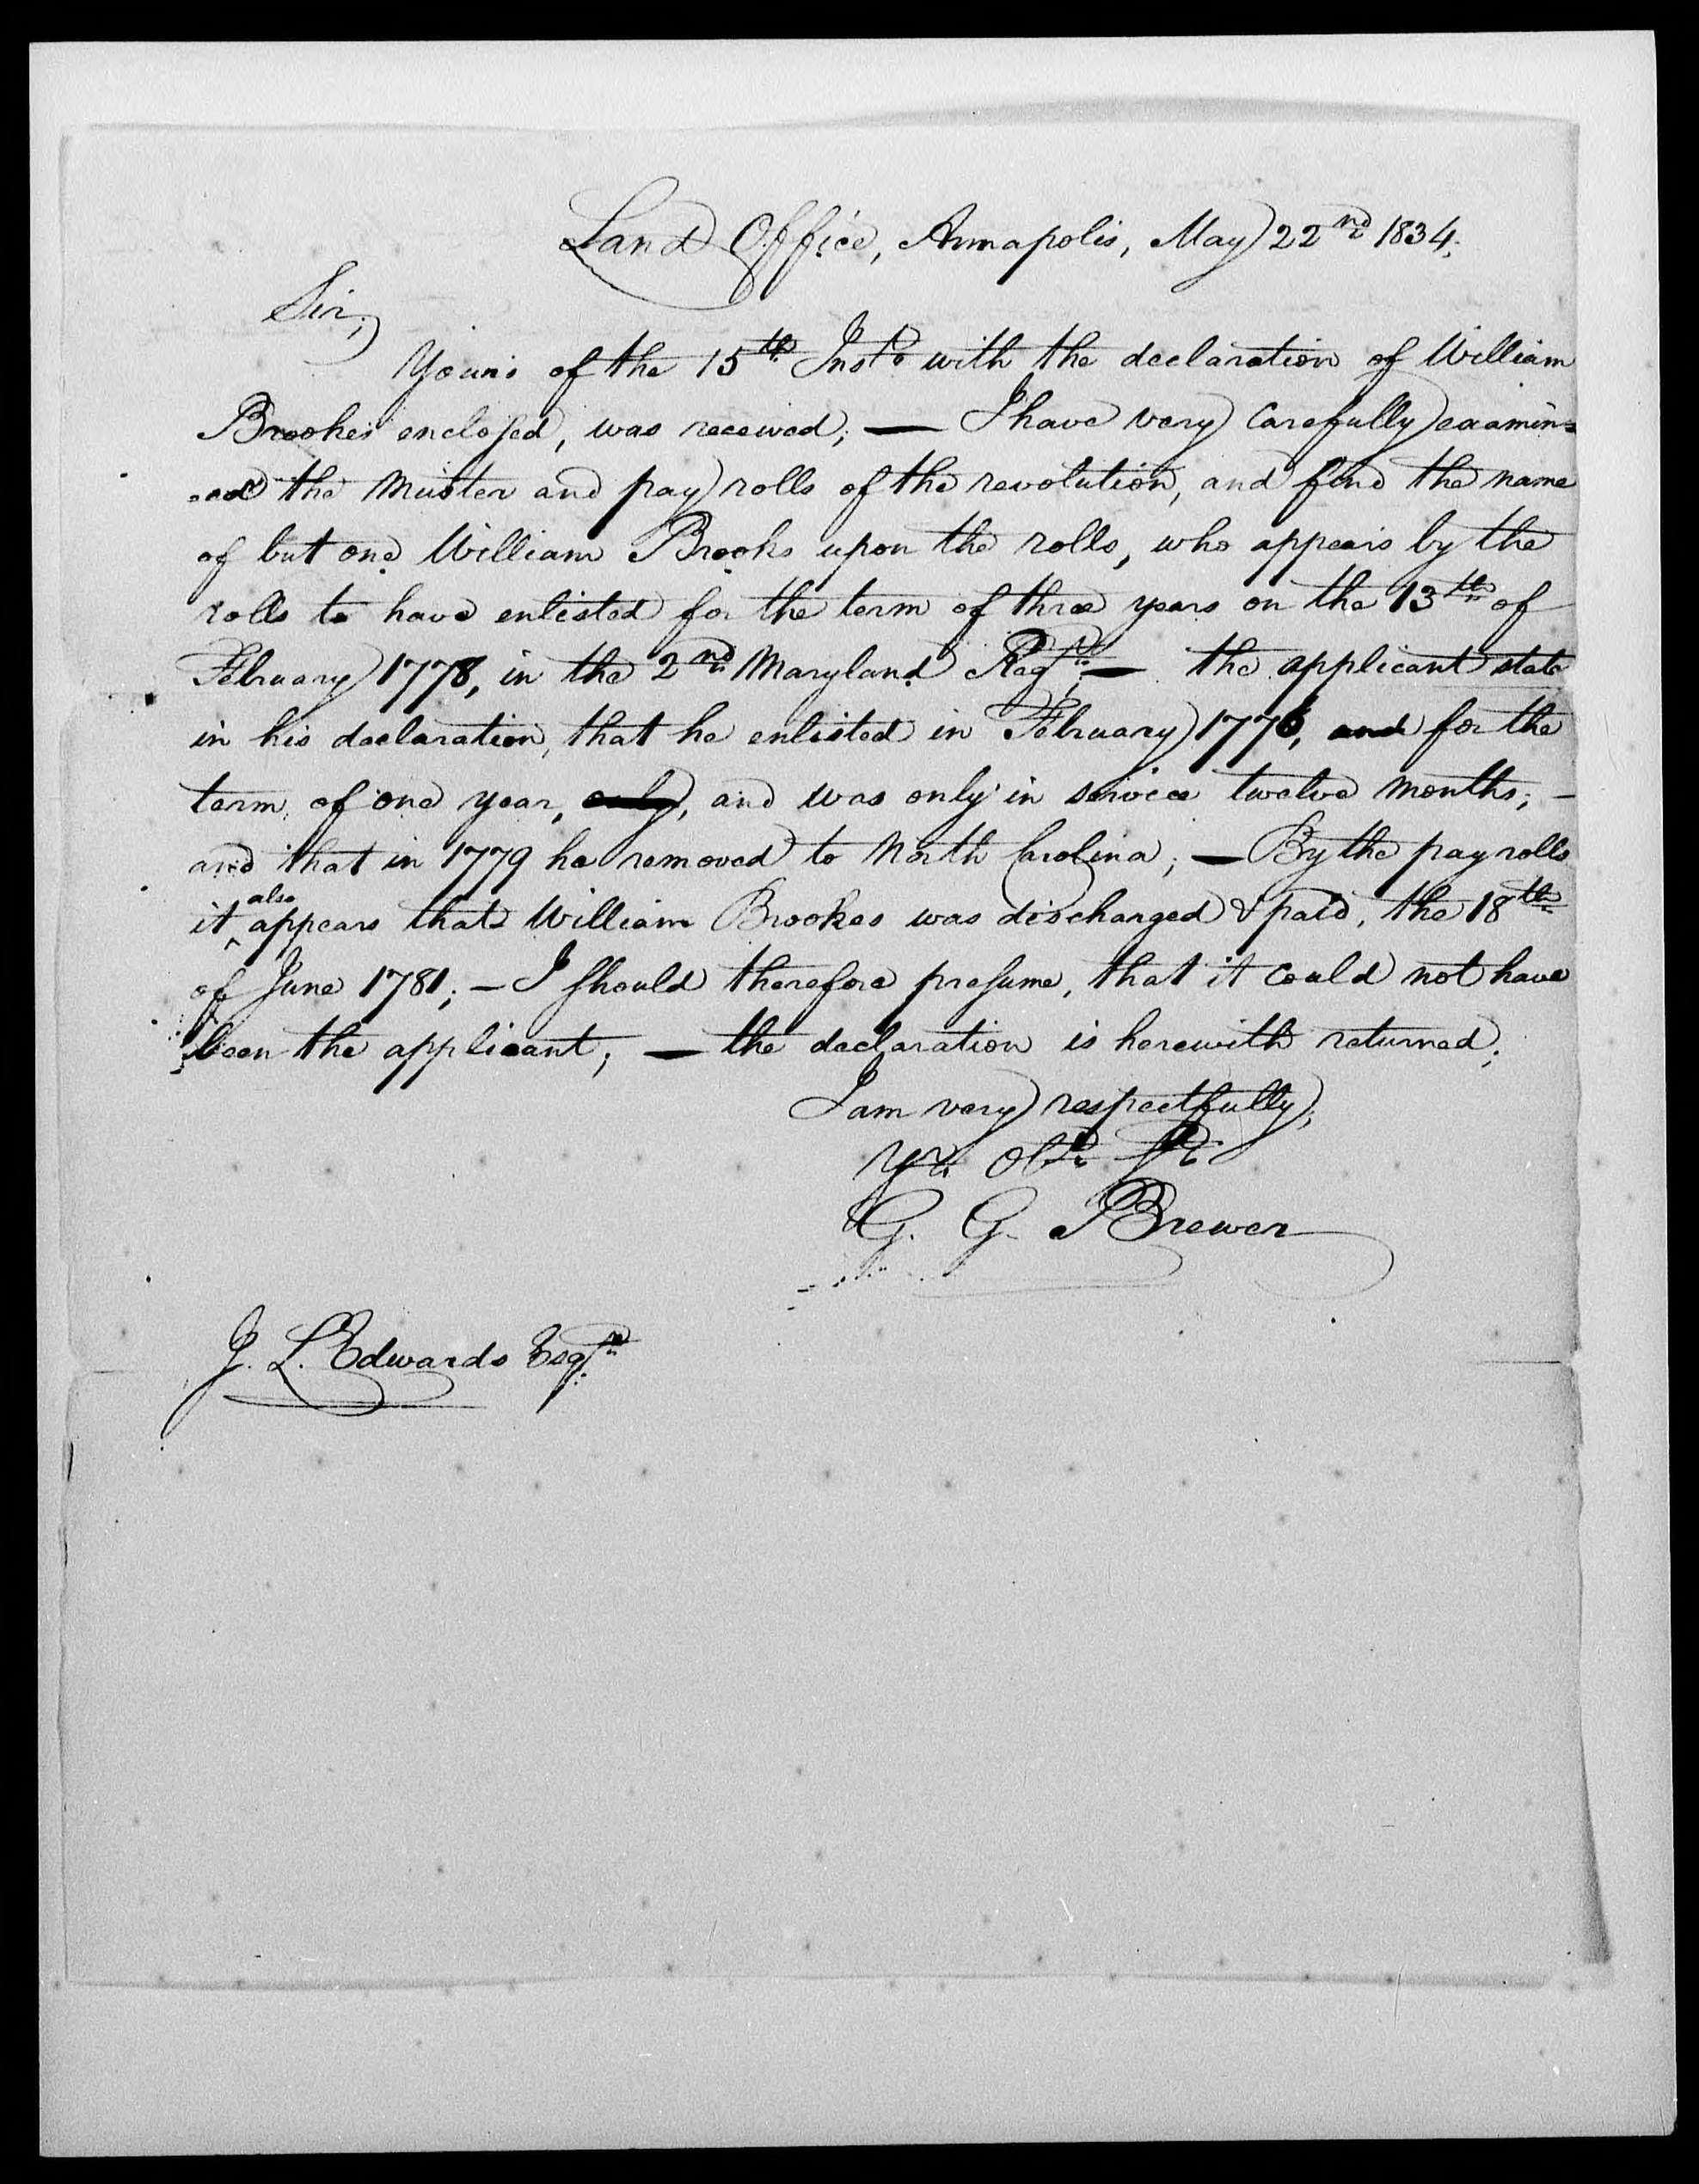Sir
Land Office Annapolis, May 22nd 1834.
Sir
Yours of the 15th Inst with the declaration of William Brooks enclosed, was received, I have very carefully examined 
the Muster and pay rolls of the revolution, and find the name of but one William Brooks upon the rolls, who appears by the rolls to have enlisted for the term of three years on the 13th of February 1778, in the 2nd Maryland Regt  the applicant stated in his declaration, that he enlisted in February 1776, and for the
term of one year, and was only in service twelve months; and that in 1779 he removed to North Carolina; - By the payrolls
it appears that William Brookes was discharged & paid the 18th of June 1781, I should therefore presume, that it could not have been the applicant, the declaration is herewith returned
I am very respectfully,
you obt st
G. G. Brewer
J. L. Edwards Esq
---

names: William Brooks, William Brookes, J L Edwards, William Brookes, G G Brewer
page: 16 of 17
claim: survivor's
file: S. 6717, William Brooks, Md. N.C.